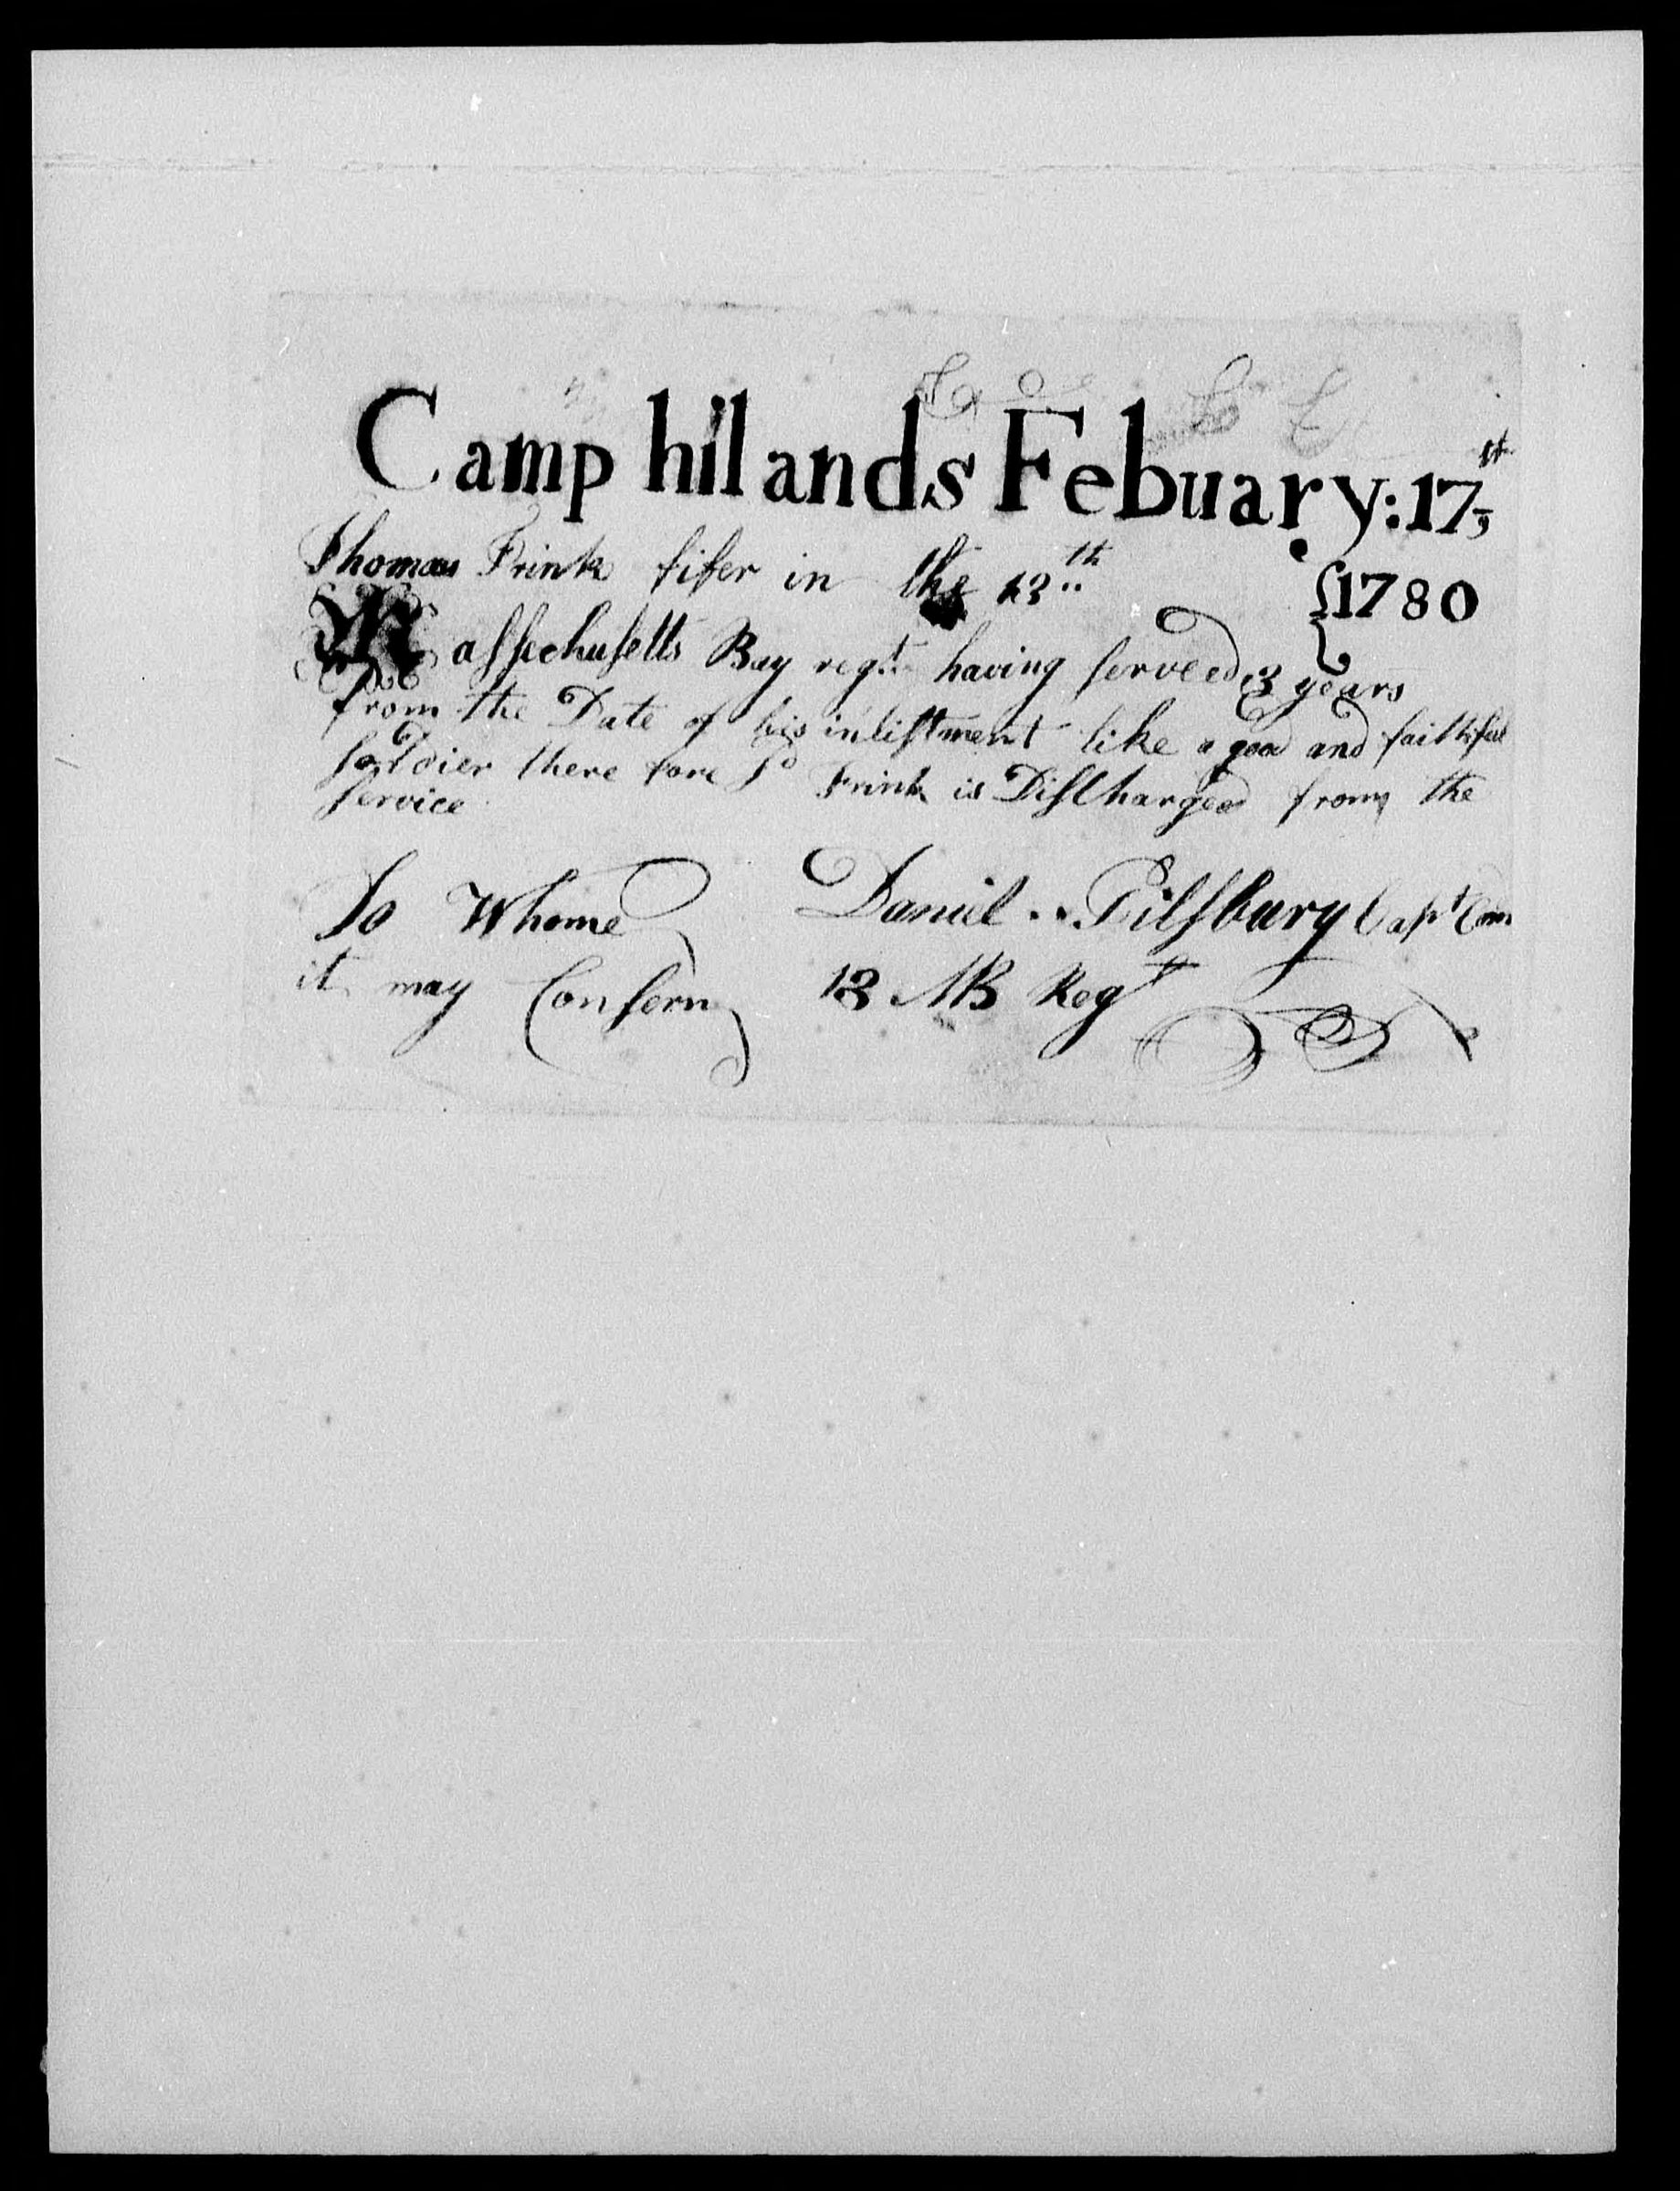Camp hilands February 17, 1780
Thomas Frink fifer in the 13th   
Massachusetts Bay regt having served 3 years from the Date of his enlistment like a good and faithful  soldier therefore so Frink is Discharged from the Service.

To Whome it may consern

Daniel Pilsbury Capt & Com
13 AB Regt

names: Thomas Frink, Daniel Pilsbury, Frink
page: 3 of 33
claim: survivor's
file: S 43571, Thomas Frink, Mass.